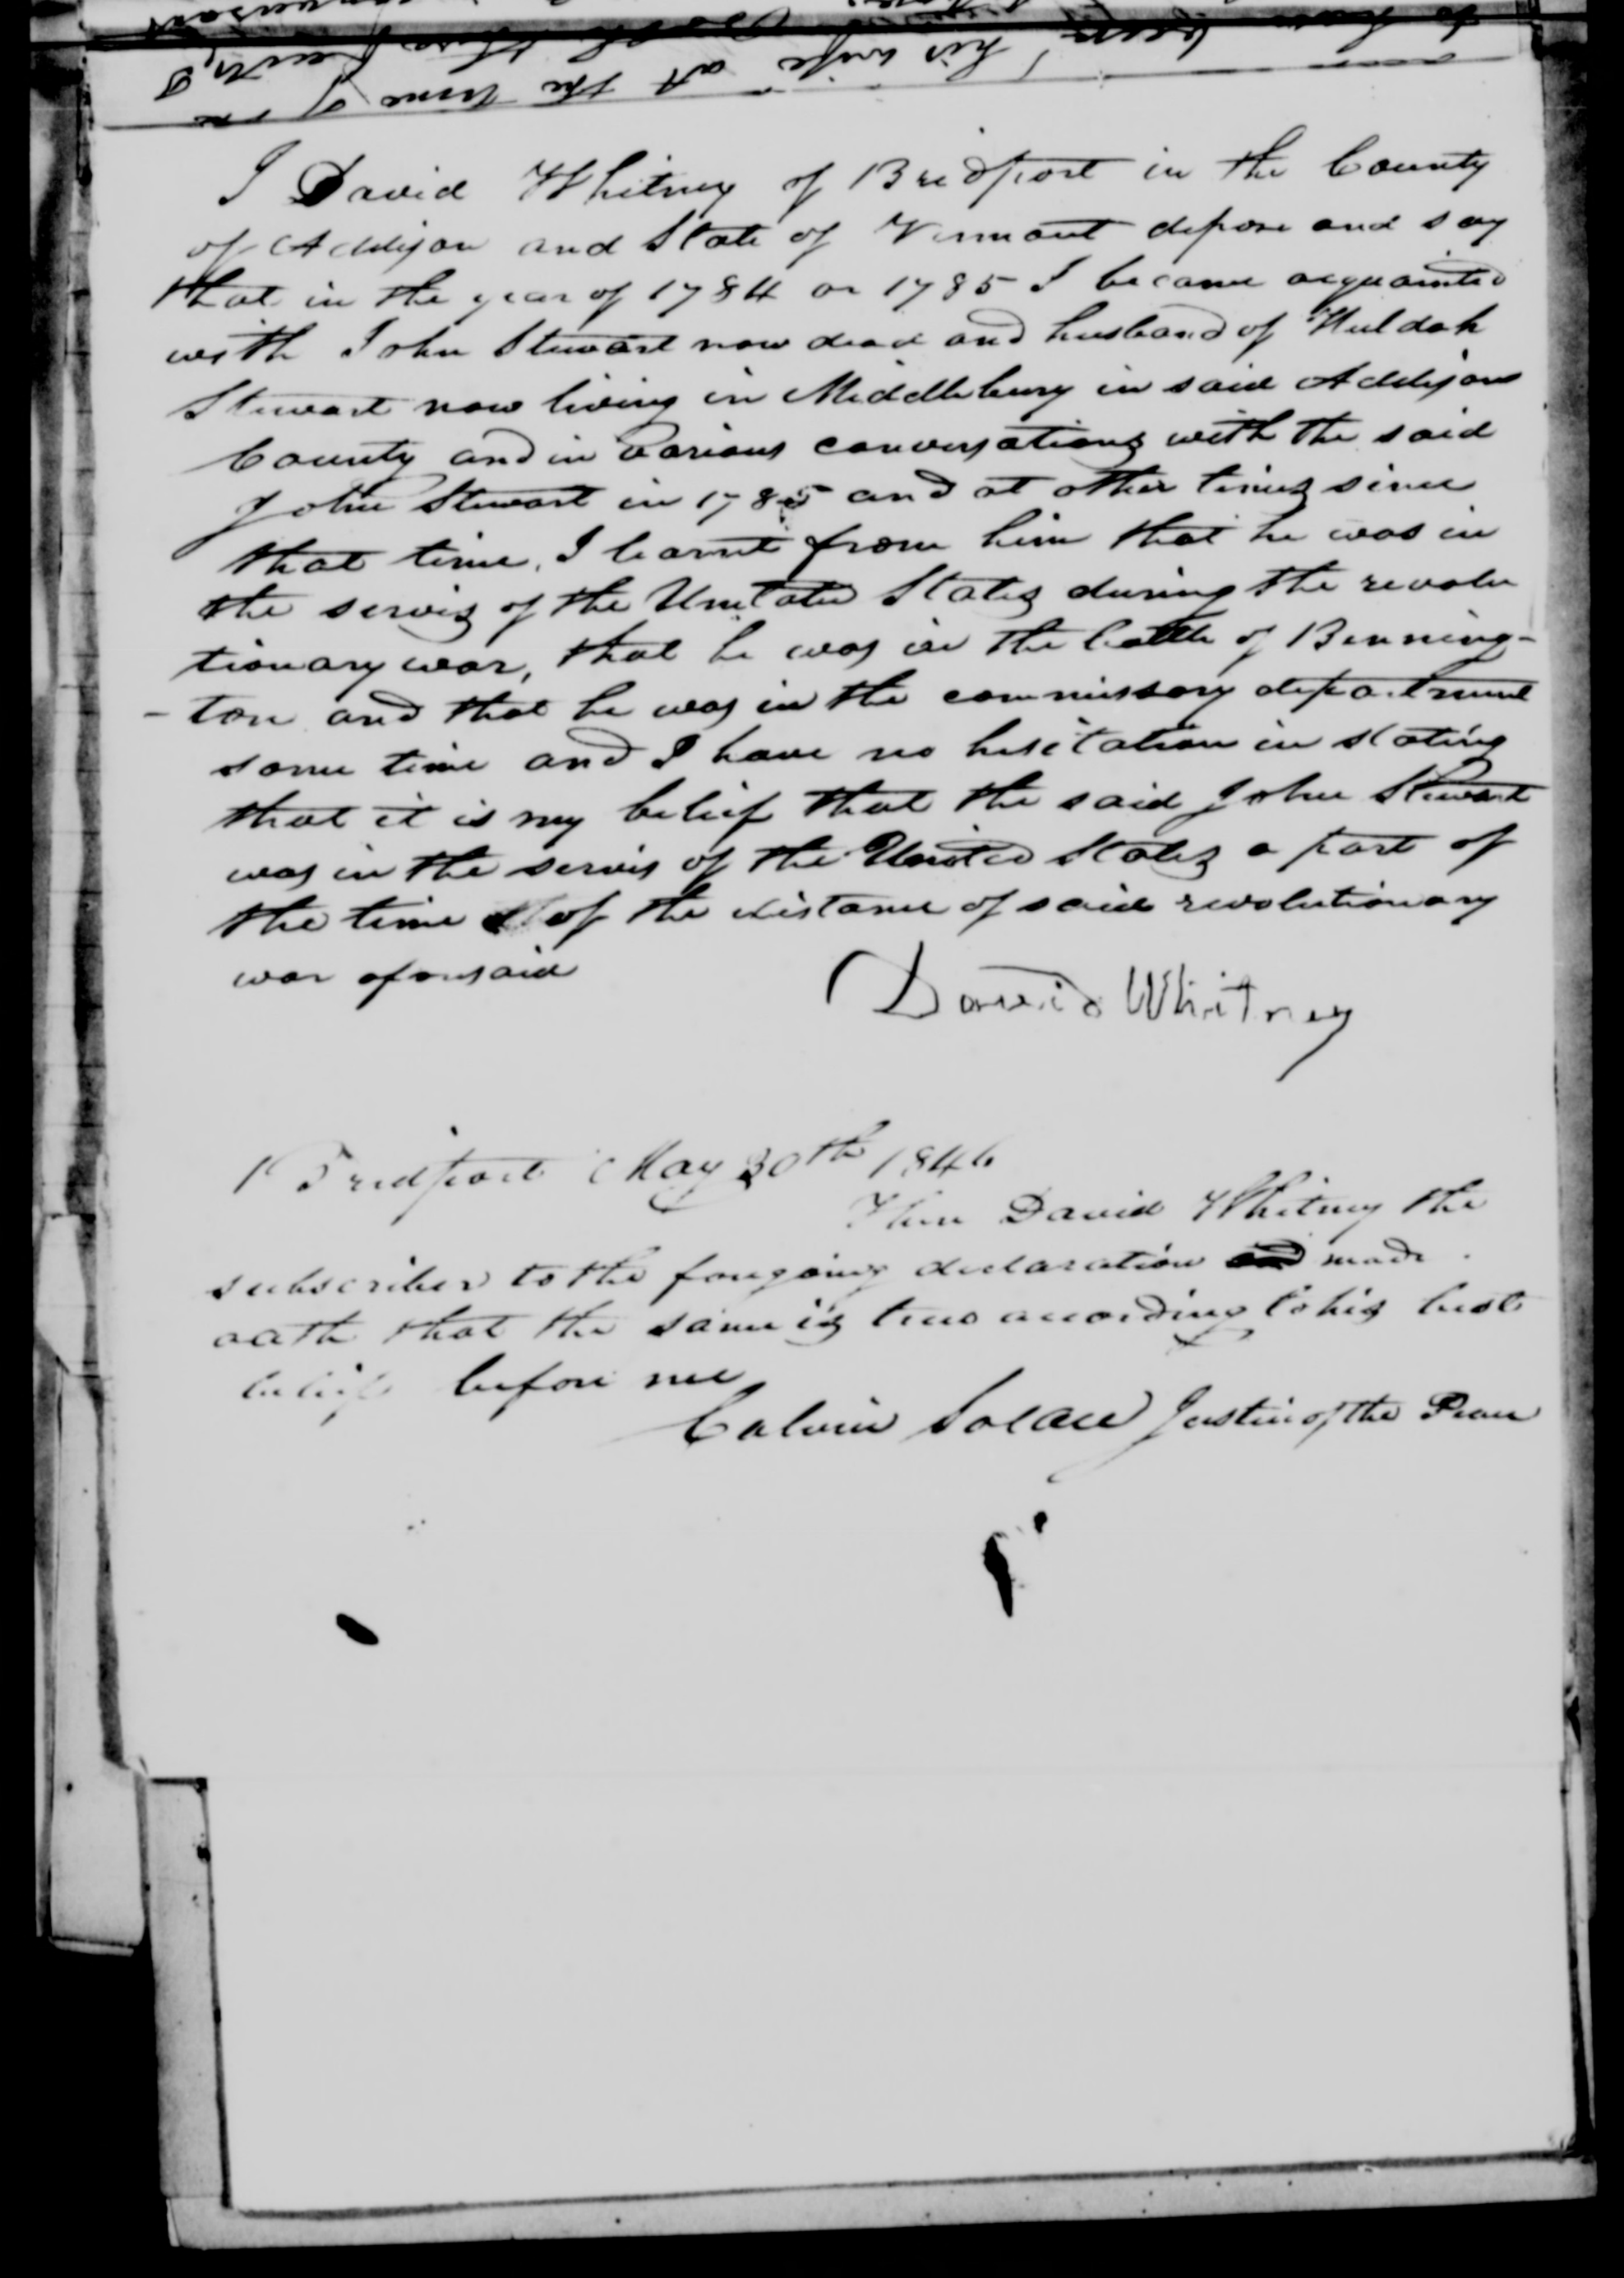I David Whitney of Bridport in the County
of Addison and State of Vermont depose and say
that in the year of 1784 or 1785 I became acquainted with
John Stewart now dead and husband of Huldah
Stewart now living in Middlebury in said Addison
County and in various conversation with the said
John Stewart in 1785 and at other times since
that time. I learn from him that he was in
the services of the United States during the revolutionary war, that he was in the battle of Bennington
and that he was in the commissory department
some time and I have no hesitation in stating
that it is my belief that the said John Stewart
was in the service of the United States a part of
the time of the distance of said revolutionary
[Signature] David Whitney

Bridport May 30th 1846
Then David Whitney the
subscribed to the forgoing declaration and made
oath that the same is true according to his best
before me
[Signature] Calvin Solan Justice of the Peace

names: John Stewart; David Whitney; Huldah Stewart; David Whitney; John Stewart; John Stewart; Calvin Solan; David Whitney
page: 16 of 26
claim: rejected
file: R. 10,154, for John Stewart, New Hampshire